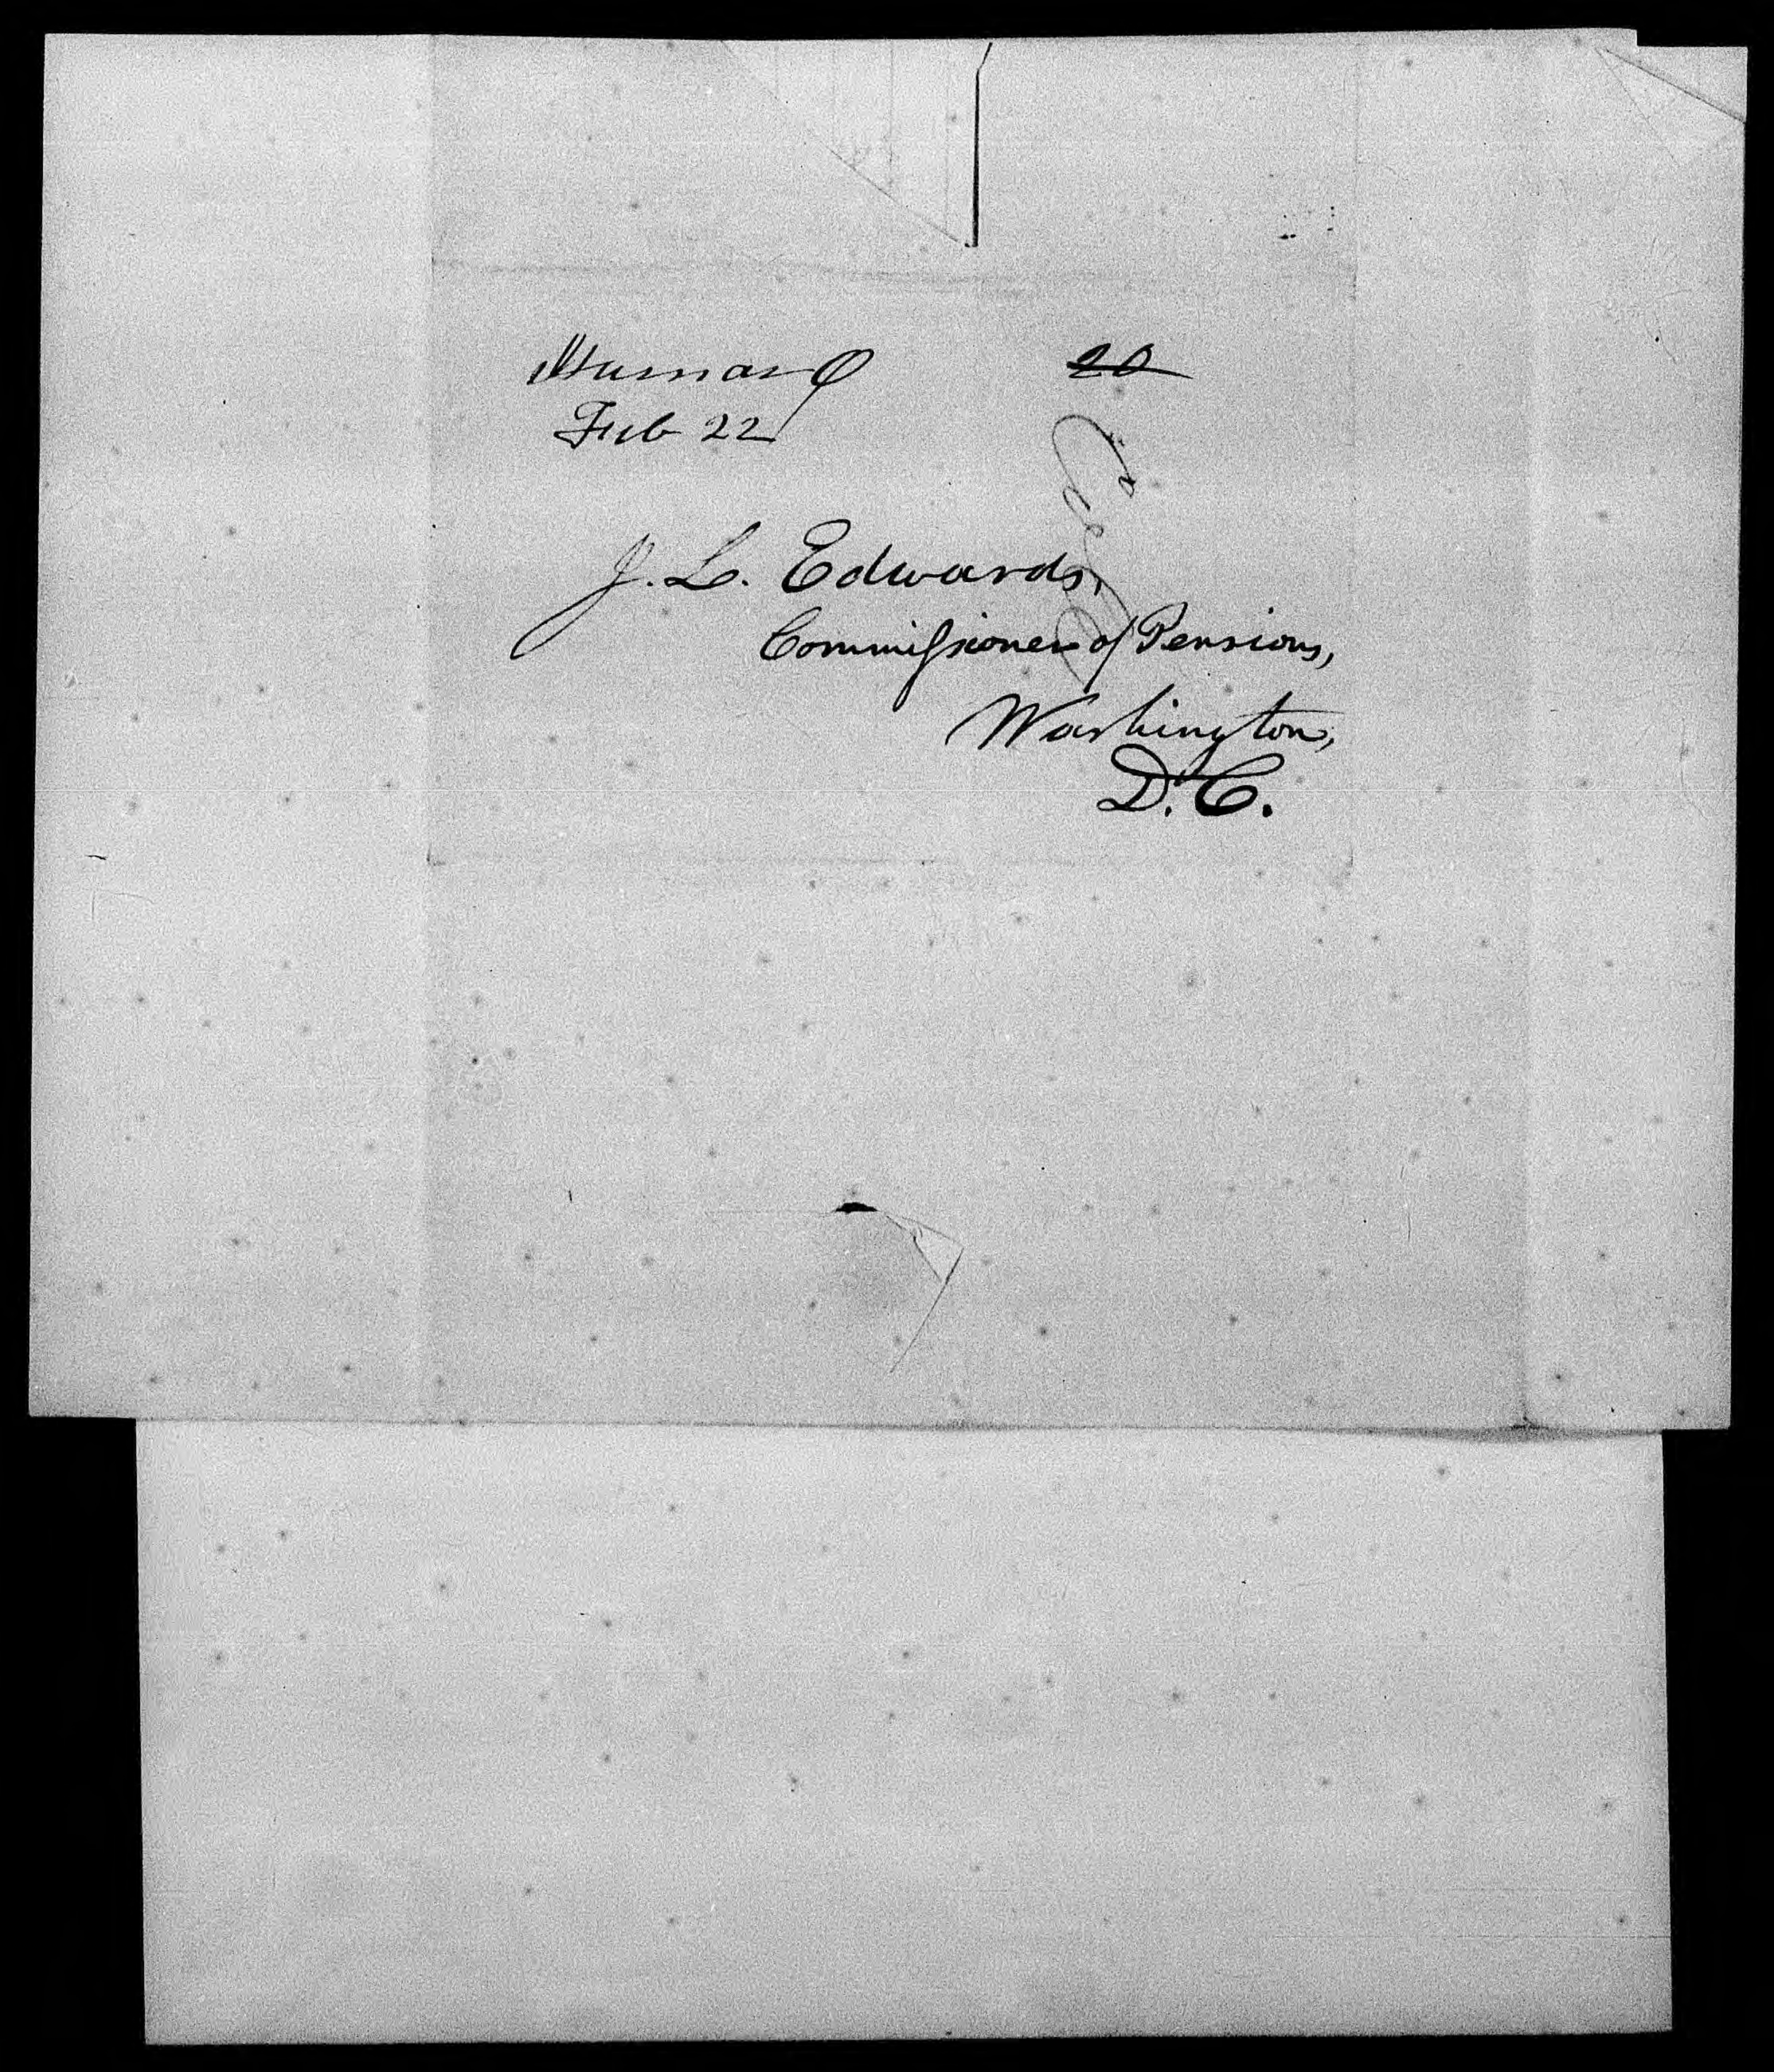[illegible]
Feb 22       20[crossed out]

J. L. Edwards
Commissioner of Pensions,
Washington,
D.C.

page: 22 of 50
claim: widow's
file: W. 4253, for John Kent, Vermont